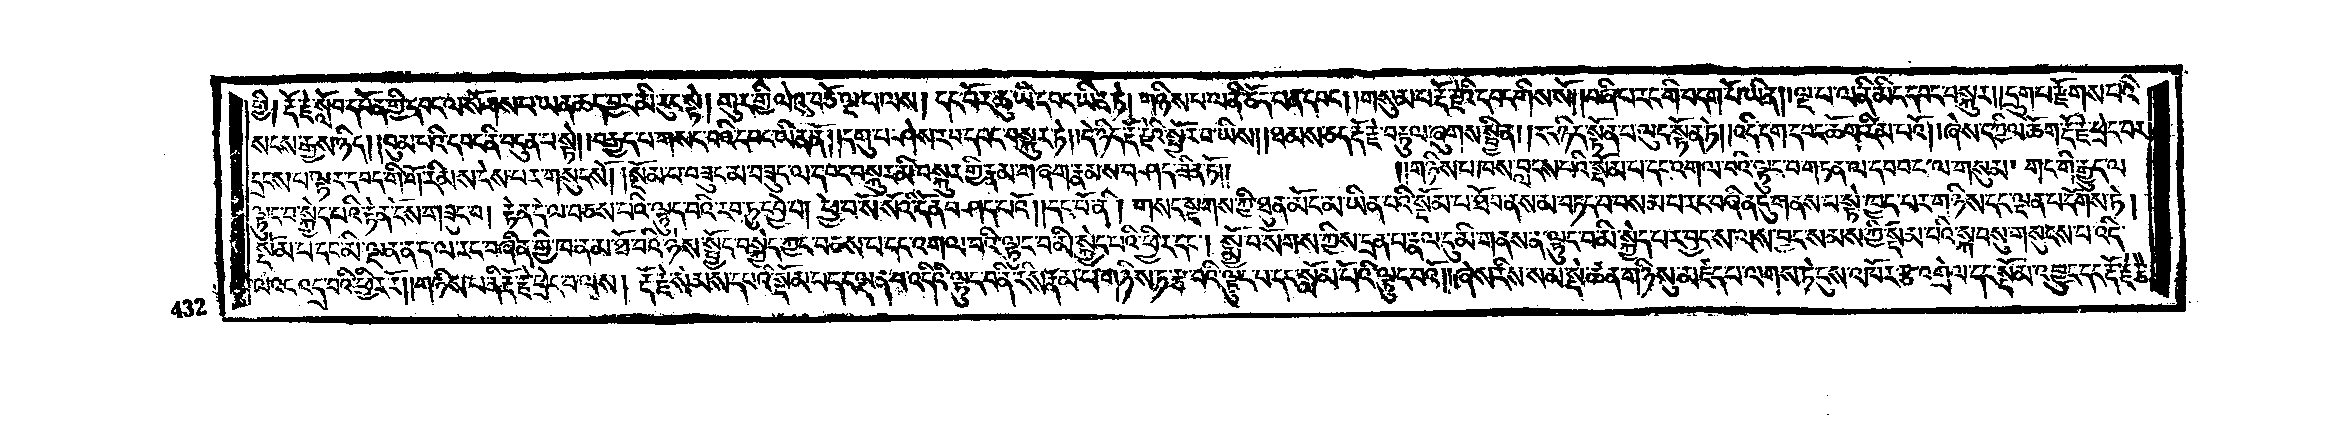གྱི། རྡོ་རྗེ་སློབ་དཔོན་གྱི་དབང་ལ་སོགས་པ་ཡན་ཆད་བྱར་མི་རུང་སྟེ། གུར་གྱི་ལེའུ་བཅོ་ལྔ་པ་ལས། དང་བོར་ཆུ་ཡི་དབང་ཡིན་ཏེ། གཉིས་པ་ལ་ནི་ཅོད་པན་དབང་། །གསུམ་པ་རྡོ་རྗེའི་དབང་གིས་སོ། །བཞི་པ་རང་གི་བདག་པོ་ཡིན། །ལྔ་པ་ལ་ནི་མིང་དབང་བསྐུར། །དྲུག་པ་རྫོགས་པའི་
སངས་རྒྱས་ཉིད། །བུམ་པའི་དབང་ནི་བདུན་པ་སྟེ། །བརྒྱད་པ་གསང་བའི་དབང་ཡིན་ནོ། །དགུ་པ་ཤེས་རབ་དབང་བསྐུར་ཏེ། །དེ་ཉིད་རྡོ་རྗེའི་སྦྱོར་བ་ཡིས། །ཐམས་ཅད་རྡོ་རྗེ་བརྟུལ་ཞུགས་སྦྱིན། །རང་ཉིད་སྟོན་པ་ལུང་སྟོན་ཏེ། །འདི་དག་དབང་ཆོག་རིམ་པའོ། །ཞེས་དཀྱིལ་ཆོག་རྡོ་རྗེ་ཕྲེང་བར་
དྲངས་པ་ལྟར་དབང་གི་གོ་རིམས་ངེས་པར་གསུངས་སོ། །སྡོམ་པ་བཟུང་མ་བཟུང་ལ་དབང་བསྐུར་མི་བསྐུར་གྱི་རྣམ་གཞག་རྣམས་བཤད་ཟིན་ཏོ།། །།གཉིས་པ་ཁས་བླངས་པའི་སྡོམ་པ་དང་འགལ་བའི་ལྟུང་བ་གཏན་ལ་དབབ་པ་ལ་གསུམ་གང་གི་རྒྱུད་ལ་
ལྟུང་བ་སྐྱེད་པའི་རྟེན་ངོས་གཟུང་བ། རྟེན་དེ་ལ་བཅས་པའི་ལྟུང་བའི་རབ་ཏུ་དབྱེ་བ། ཕྱེ་བ་སོ་སོའི་དོན་བཤད་པའོ། །དང་པོ་ནི། གསང་སྔགས་ཀྱི་ཐུན་མོང་མ་ཡིན་པའི་སྡོམ་པ་ཐོབ་ནས་མ་བཏང་བ་བསམ་པ་རང་བཞིན་དུ་གནས་པ་སྟེ་ཁྱད་པར་གཉིས་དང་ལྡན་པ་དགོས་ཏེ།
སྡོམ་པ་དང་མི་ལྡན་ན་དེ་ལ་རང་བཞིན་གྱི་ཁ་ན་མ་ཐོ་བའི་ཉེས་སྤྱོད་བསྐྱེད་ཀྱང་བཅས་པ་དང་འགལ་བའི་ལྟུང་བ་མི་སྐྱེད་པའི་ཕྱིར་དང་། སྨྱོ་བ་སོགས་ཀྱིས་དྲན་པ་རྣལ་དུ་མི་གནས་ན་ལྟུང་བ་མི་སྐྱེད་པར་བྱང་ས་ལས་བྱང་སེམས་ཀྱི་སྡོམ་པའི་སྐབས་སུ་གསུངས་པ་འདི་
ལའང་འདྲ་བའི་ཕྱིར་རོ། །གཉིས་པ་ནི་རྡོ་རྗེ་ཕྲེང་བ་ལས། རྡོ་རྗེ་སེམས་དཔའ་སྡོམ་པ་དང་ལྡན་པ་འདིའི་ལྟུང་བ་ནི་རིས་རྣམ་པ་གཉིས་ཏེ་རྩ་བའི་ལྟུང་བ་དང་སློབ་པོའི་ལྟུང་བའོ། །ཞེས་རིས་སམ་སྡེ་ཚན་གཉིས་སུ་མཛད་པ་ལགས་ཏེ་དུས་འཁོར་རྩ་འགྲེལ་དང་སྡོམ་འབྱུང་དང་རྡོ་རྗེ་རྩཻ་